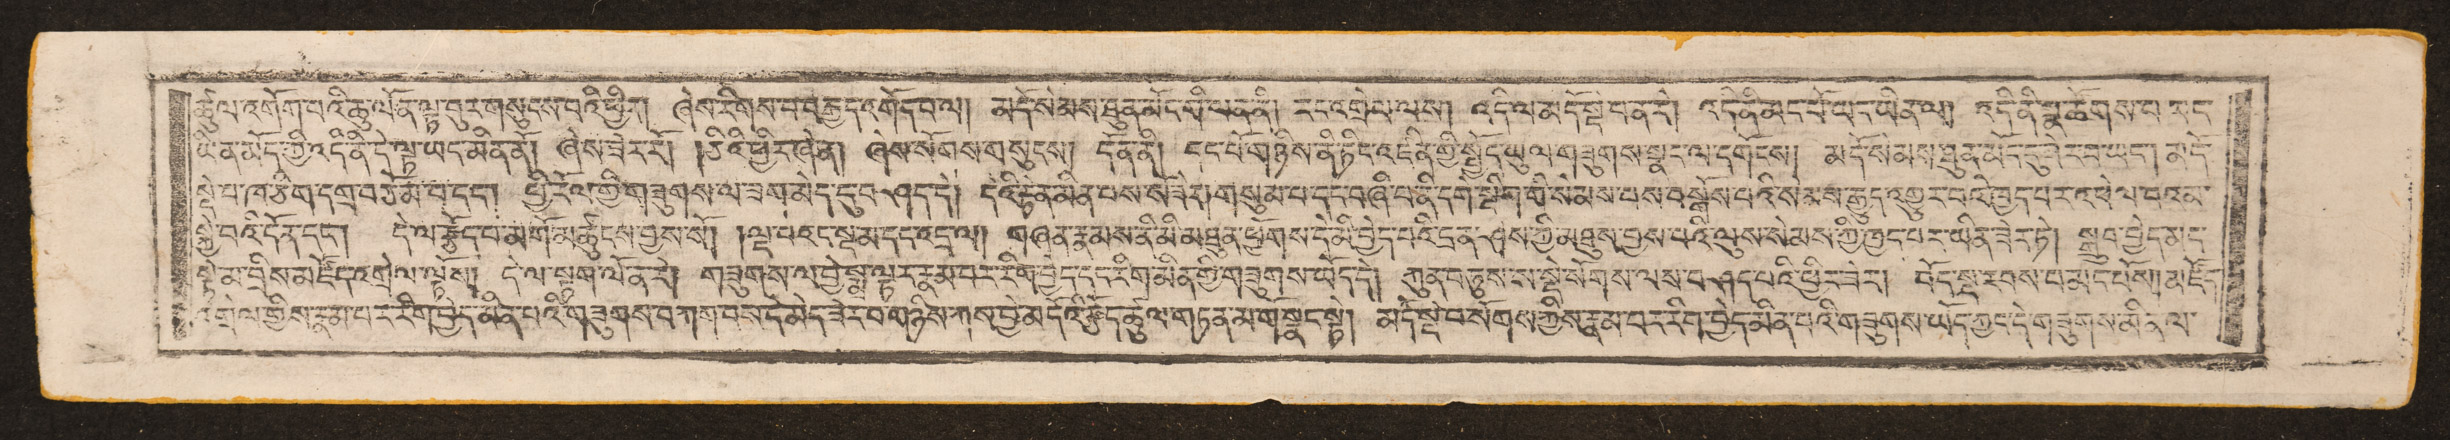ཚུལ་འགོག་པའི་ཆུ་ལོན་ལྟ་བུར་གསུངས་པའི་ཕྱིར། ཞེས་རིགས་པ་བརྒྱད་འགོད་པ་ལ། མདོ་སེམས་ཐུན་མོང་གི་ལན་ནི། རང་འགྲེལ་ལས། འདི་ལ་མདོ་སྡེ་པ་ན་རེ། འདི་ནི་མང་པོ་ཡང་ཡིན་ལ། འདི་ནི་སྣ་ཚོགས་པ་ཡང་
ཡིན་མོད་ཀྱི་འདི་ནི་དེ་ལྟ་ཡང་མིན་ནོ། ཞེས་ཟེར་རོ། །ཅིའི་ཕྱིར་ཞེ་ན། ཞེས་སོགས་གསུངས། དོན་ནི། དང་པོ་གཉིས་ནི་ཏིང་འཛིན་གྱི་སྤྱོད་ཡུལ་གཟུགས་སྣང་ལ་དགོངས། མདོ་སེམས་ཐུན་མོང་དུ་ཟེ་རང་ཡང་། མདོ་
སྡེ་པ་ཁ་ཅིག་དགྲ་བཅོམ་པ་དང་། ཕྱི་རོལ་གྱི་གཟུགས་ལ་ཟག་མེད་དུ་བཤད་དེ། དེའི་རྟེན་མིན་པས་སོ་ཟེར། གསུམ་པ་དང་བཞི་པ་ནི་དགེ་སྡིག་གི་སེམས་པས་བསྒོས་པའི་སེམས་རྒྱུད་འགྱུར་བའི་ཁྱད་པར་འཕེལ་བའམ་
སྐྱེ་བའི་དོན་དང་། དེ་ལ་རྩོད་པ་མགོ་མཚུངས་བྱས་སོ། །ལྔ་པའང་སྔ་མ་དང་འདྲ་ལ། གཞན་རྣམས་ནི་མི་མཐུན་ཕྱོགས་དེ་མི་བྱེད་པའི་དྲན་ཤེས་ཀྱི་མཐུས་བྱས་པའི་ལུས་སེམས་ཀྱི་ཁྱད་པར་ཡིན་ཟེར་ཏེ། སྒྲུབ་བྱེད་མང་
སྟེ་མ་བྲིས་མཛོད་འགྲེལ་ལྟོས། དེ་ལ་སྟག་ལོ་ན་རེ། གཟུགས་ལ་བྱེ་སྨྲ་ལྟར་རྣམ་པར་རིག་བྱེད་དང་རིག་མིན་གྱི་གཟུགས་ཡོད་དེ། ཀུན་བཏུས་ས་སྡེ་སོགས་ལས་བཤད་པའི་ཕྱིར་ཟེར། བོད་སྔ་རབས་པ་མང་པོས། མཛོད་
འགྲེལ་གྱིས་རྣམ་པར་རིག་བྱེད་མིན་པའི་གཟུགས་བཀག་པས་དེ་མེད་ཟེར་བ་གཉིས་ཀས་བྱེ་མདོའི་རྩོད་ཚུལ་གཏན་མགོ་སྣང་སྟེ། མདོ་སྡེ་པ་སོགས་ཀྱིས་རྣམ་པར་རིག་བྱེད་མིན་པའི་གཟུགས་ཡོད་ཀྱང་དེ་གཟུགས་མིན་ལ་